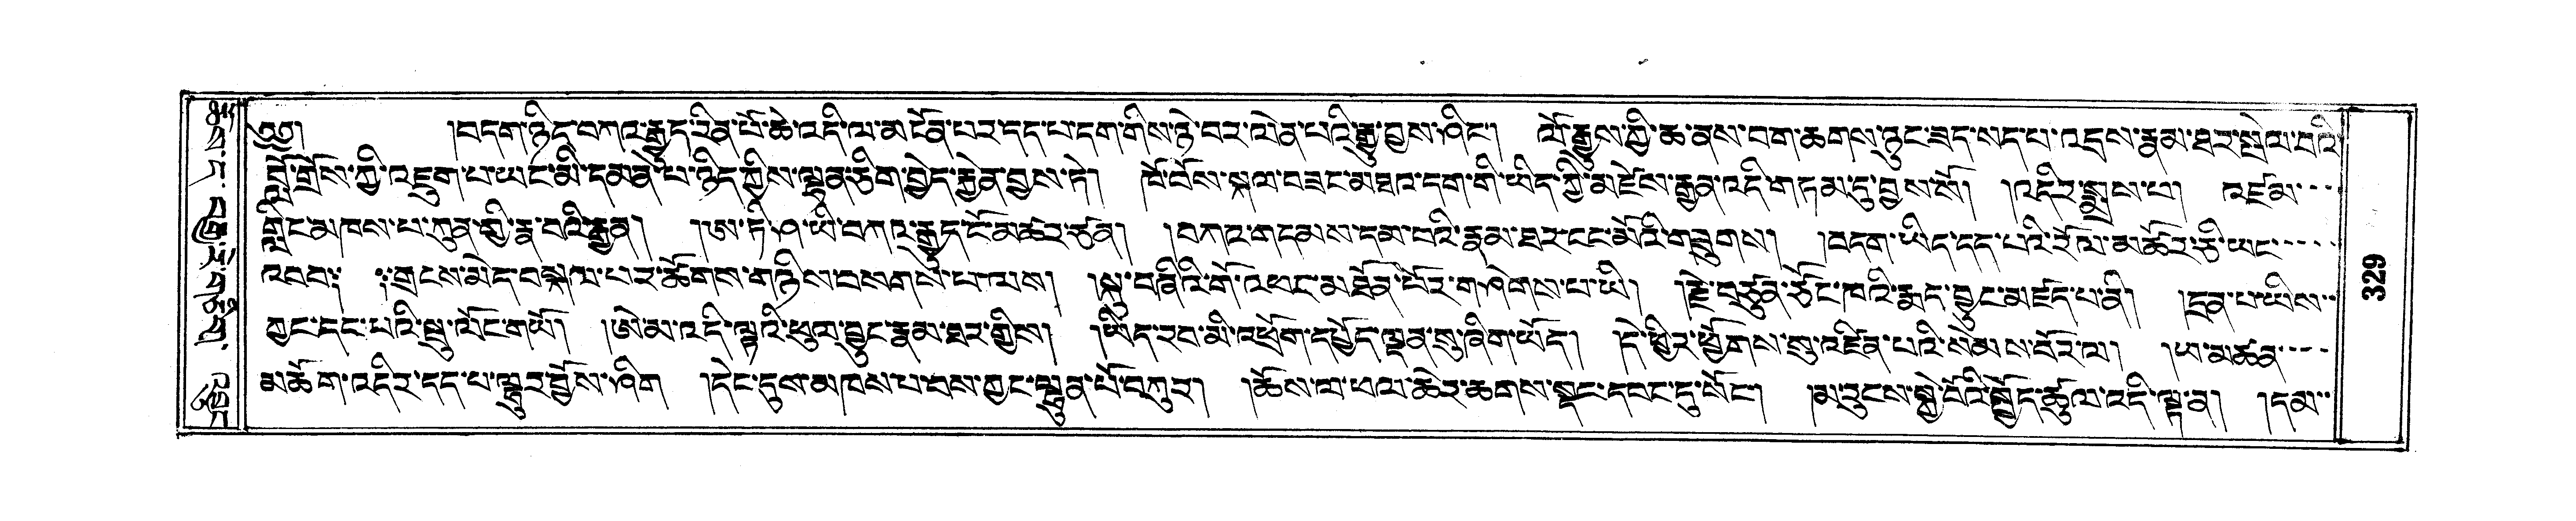༄༅། །བདག་ཉིད་བཀའ་རྒྱུད་རིན་པོ་ཆེ་འདི་ལ་མངོན་པར་དད་པ་དག་གིས་ཉེ་བར་ལེན་པའི་རྒྱུ་བྱས་ཤིང་། ལོ་རྒྱུས་ཀྱི་ཆ་ནས་བག་ཆགས་ཉུང་ཟད་སད་པ་འདྲས་རྣམ་ཐར་སྤེལ་བའི་
བློ་གྲོས་ཀྱི་འཇུག་པ་ཡང་མི་དམན་པ་ཉིད་ཀྱིས་ལྷན་ཅིག་བྱེད་རྐྱེན་བྱས་ཏེ། ཁོ་བོས་སྐལ་བཟང་མཐའ་དག་གི་ཡིད་ཀྱི་མཛེས་རྒྱན་འདི་གཏམ་དུ་བྱས་སོ། །འདིར་སྨྲས་པ། འཛམ་
གླིང་མཁས་པ་ཀུན་གྱི་རྣ་བའི་རྒྱན། །ཨ་ཏི་ཤ་ཡི་བཀའ་རྒྱུད་ངོ་མཚར་ཙན། །བཀའ་གདམས་དམ་པའི་རྣམ་ཐར་ངང་མོའི་གཟུགས། །བདག་ཡིད་དད་པའི་རོལ་མཚོར་ཅི་ཡང་
འབབ༑ ༑གྲངས་མེད་བསྐལ་པར་ཚོགས་གཉིས་བསགས་པ་ལས། །སྐུ་བཞིའི་གོ་འཕང་མཐོན་པོར་གཤེགས་པ་ཡི། །རྗེ་བཙུན་ཙོང་ཁའི་རྨད་བྱུང་མཛད་པ་ནི། །དྲན་པ་ཡིས་
ཀྱང་དང་པའི་སྦུ་ལོང་གཡོ། །ཨེ་མ་འདི་ལྟའི་ཕུལ་བྱུང་རྣམ་ཐར་གྱིས། །ཡིད་རབ་མི་འཕྲོག་དཔྱོད་ལྡན་སུ་ཞིག་ཡོད། །དེ་ཕྱིར་ཕྱོགས་སུ་འཛིན་པའི་སེམས་བོར་ལ། །ཡ་མཚན་
མཆོག་འདིར་དད་པ་ལྷུར་བྱོས་ཤིག །དེང་དུས་མཁས་པ་བས་ཀྱང་ལྷུན་པོ་བཀུར། །ཆོས་ལ་ཕལ་ཆེར་ཆགས་སྡང་དབང་དུ་སོང་། །མ་རུངས་སྐྱེ་བོའི་སྤྱོད་ཚུལ་འདི་ལྟ་ན། །དམ་